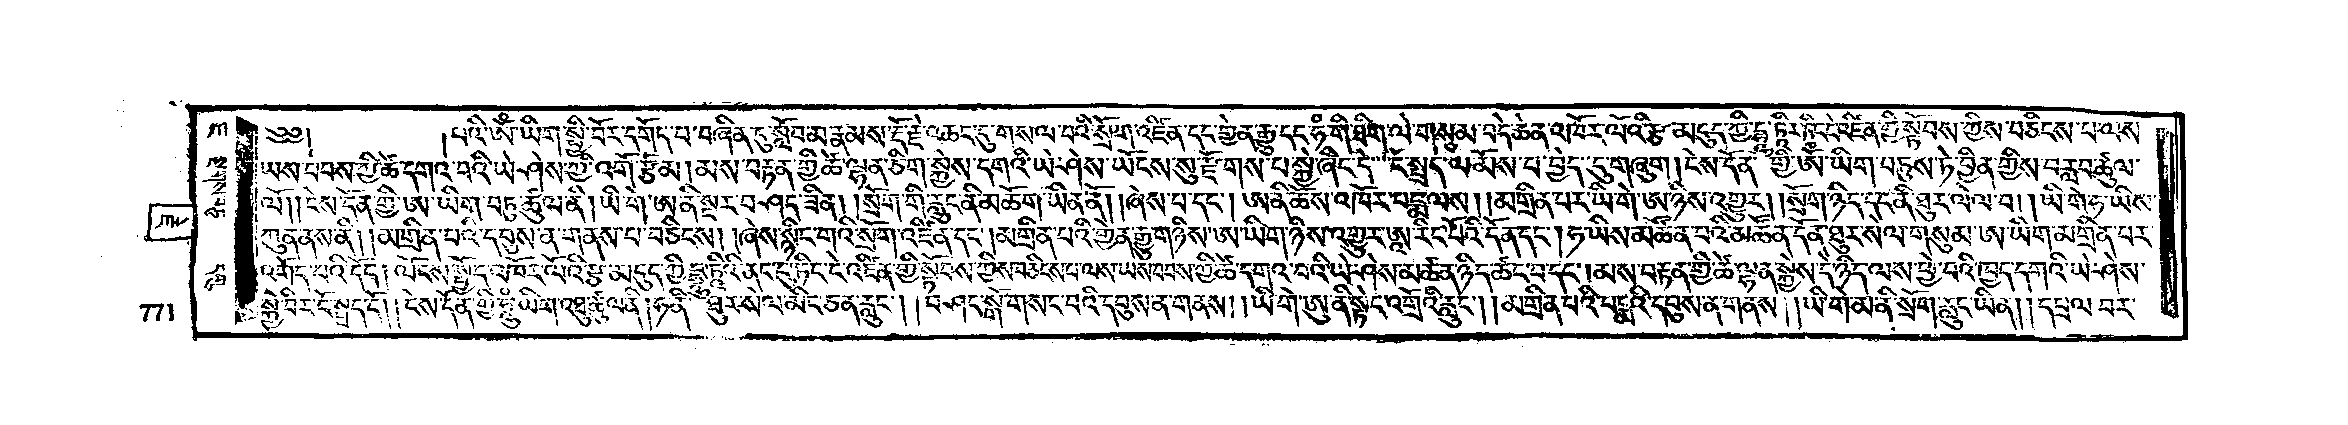༄༅། །བའི་ཨོཾ་ཡིག་སྤྱི་བོར་དགོད་པ་བཞིན་དུ་སློབ་མ་རྣམས་རྡོ་རྗེ་འཆང་དུ་གསལ་བའི་སྲོག་འཛིན་དང་གྱེན་རྒྱུ་དང་ཧཾ་གི་ཐིག་ལེ་གསུམ་བདེ་ཆེན་འཁོར་ལོའི་རྩ་མདུད་ཀྱི་དྷཱུ་ཏཱིར་ཏིང་ངེ་འཛིན་གྱི་སྟོབས་ཀྱིས་བཅིངས་པ་ལས་
ཡས་བབས་ཀྱི་ཚེ་དགའ་བའི་ཡེ་ཤེས་ཀྱི་འགོ་རྩོམ། མས་བརྟན་གྱི་ཚེ་ལྷན་ཅིག་སྐྱེས་དགའི་ཡེ་ཤེས་ཡོངས་སུ་རྫོགས་པ་སྐྱེ་ཞིང་དེ་ངོ་སྤྲད་ལ་མོས་པ་བྱེད་དུ་གཞུག། ངེས་དོན་གྱི་ཨོཾ་ཡིག་བཏུས་ཏེ་བྱིན་གྱིས་བརླབ་ཚུལ་
ལོ། །ངེས་དོན་གྱི་ཨ་ཡིག་བཏུ་ཚུལ་ནི། ཡི་གེ་ཨ་ནི་སྔར་བཤད་ཟིན། །སྲོག་གི་རླུང་ནི་མཆོག་ཡིན་ནོ། །ཞེས་པ་དང་། ཨ་ནི་ཆོས་འཁོར་པདམ་ལས། །མགྲིན་པར་ཡི་གེ་ཨ་ཉིས་འགྱུར། །སྲོག་ཉིད་དང་ནི་ཐུར་ལེལ་བ། །ཡི་གེ་ཧ་ཡིས་
ཀུན་ནས་ནི། །མགྲིན་པའི་དབུས་ན་གནས་པ་བཅིངས། །ཞེས་སྙིང་གའི་སྲོག་འཛིན་དང་། མགྲིན་པའི་གྱེན་རྒྱུ་གཉིས་ཨ་ཡིག་ཉིས་འགྱུར་ཨཱ་རིང་པོའི་དོན་དང་། ཧ་ཡིས་མཚོན་པའི་མཚོན་དོན་ཐུར་སེལ་གསུམ་ཨ་ཡིག་མགྲིན་པར་
འགོད་པའི་དོད། ལོངས་སྤྱོད་འཁོར་ལོའི་རྩ་མདུད་ཀྱི་དྷཱུ་ཏཱཱིའི་ནང་དུ་ཏིང་ངེ་འཛིན་གྱི་སྟོབས་ཀྱིས་བཅིངས་པ་ལས་ཡས་བབས་ཀྱི་ཚེ་དགའ་བའི་ཡེ་ཤེས་མཚན་ཉིད་ཚང་བ་དང་། མས་བརྟན་གྱི་ཚེ་ལྷན་སྐྱེས་དེ་ཉིད་ལས་ཕྱེ་བའི་ཁྱད་དགའི་ཡེ་ཤེས་
སྐྱེ་བར་ངོ་སྤྲད་དོ། །ངེས་དོན་གྱི་ཧཱུཾ་ཡིག་འཐུ་ཚུལ་ནི། ཧ་ནི་ཐུར་སེལ་མིང་ཅན་རླུང་། །བཤད་སྒོ་གསང་བའི་དབུས་ན་གནས། །ཡི་གེ་ཨུ་ནི་སྟེང་འགྲོའི་རླུང་། །མགྲིན་པའི་པདམའི་དབུས་ན་གནས། །ཡི་གེ་མ་ནི་སྲོག་རླུང་ཡིན། །དཔྲལ་བར་